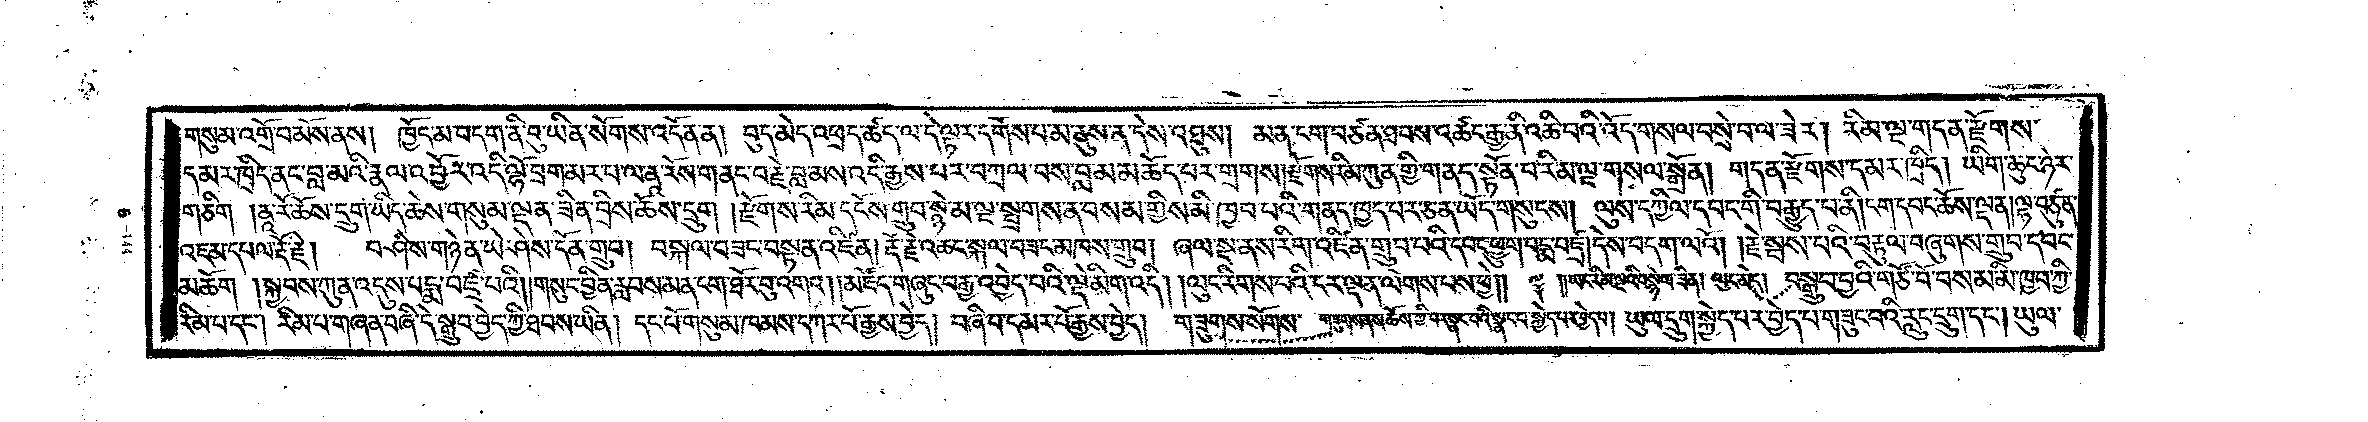གསུམ་འགྲོ་བ་མོས་ནས། ཁྱོད་མ་བདག་ནི་བུ་ཡིན་སོགས་འདོན་ན། བུད་མེད་འཕྲད་ཚད་ལ་དེ་ལྟར་དགོས་པ་མ་ནུས་ན་དེས་འཐུས། མན་ངག་བཙན་ཐབས་འཚང་རྒྱ་ནི་འཆི་བའི་འོད་གསལ་བསྲེ་བ་ལ་ཟེར། རིམ་ལྔ་གདན་རྫོགས་
དམར་ཁྲིད་ནང་བླ་མའི་རྣལ་འབྱོར་འདི་ལྷོ་བྲག་མར་པ་ལ་ནཱ་རོས་གནང་བ་རྗེ་བླ་མས་འདི་རྒྱས་པར་བཀྲལ་བས་བླ་མ་མཆོད་པར་གྲགས་།རྫོགས་རིམ་ཀུན་གྱི་གནད་སྟོན་པ་རིམ་ལྔ་གསལ་སྒྲོན། གདན་རྫོགས་དམར་ཁྲིད། ཡིག་ཆུང་ཉེར་
གཅིག །ནཱ་རོ་ཆོས་དྲུག་ཡིད་ཆེས་གསུམ་ལྡན་ཟིན་བྲིས་ཆོས་དྲུག །རྫོགས་རིམ་དངོས་གྲུབ་སྙེ་མ་ལྔ་སྦྲགས་ན་བསམ་གྱིས་མི་ཁྱབ་པའི་གནད་ཁྱད་པར་ཅན་ཡོད་གསུངས། ལུས་དཀྱིལ་དབང་གི་བརྒྱུད་པ་ནི། ངག་དབང་ཆོས་ལྡན། ལྷ་བཙུན་
འཇམ་དཔལ་རྡོ་རྗེ། བཤིས་གཉེན་ཡེ་ཤེས་དོན་གྲུབ། བསྐལ་བཟང་བསྟན་འཛིན། རྡོ་རྗེ་འཆང་སྐལ་བཟང་མཁས་གྲུབ། ཞལ་སྔ་ནས་རིག་འཛིན་གྲུབ་པའི་དབང་ཕྱུག་པདམ་བཛྲ། དེས་བདག་ལའོ། །རྗེ་སྦས་པའི་བརྟུལ་བཞུགས་གྲུབ་དབང་
མཆོག །སྐྱབས་ཀུན་འདུས་པདམ་བཛྲ་པའི། །གསུང་བྱིན་རླབས་མན་ངག་ཐོར་བུ་འགའ། །མཛོད་གཞུང་བརྒྱ་འབྱེད་པའི་ལྡེ་མིག་འདི། །ལུང་རིགས་པའི་དར་ལྡན་ལེགས་པས་ཕྱེ།། ༈ །།ཡང་རིམ་ལྔའི་སྙེ་ལ་ཟིན། ལུང་མེད་བསྒྲུབ་བྱའི་གཙོ་བོ་བསམ་མི་ཁྱབ་ཀྱི
རིམ་པ་དང་། རིམ་པ་གཞན་བཞི་དེ་སྒྲུབ་བྱེད་ཀྱི་ཐབས་ཡིན། དང་པོ་གསུམ་ཁམས་དཀར་པོ་རྒྱས་བྱེད། བཞི་པ་དམར་པོ་རྒྱས་བྱེད། གཟུགས་ནས་ཆོས་ཀྱི་བར་སྣང་བའི་སྣང་བ་སྐྱེད་པར་བྱེད་པ།  གཟུགས་སོགས་ཡུལ་དྲུག་སྐྱེད་པར་བྱེད་པ་གཟུང་བའི་རླུང་དྲུག་དང་། ཡུལ་